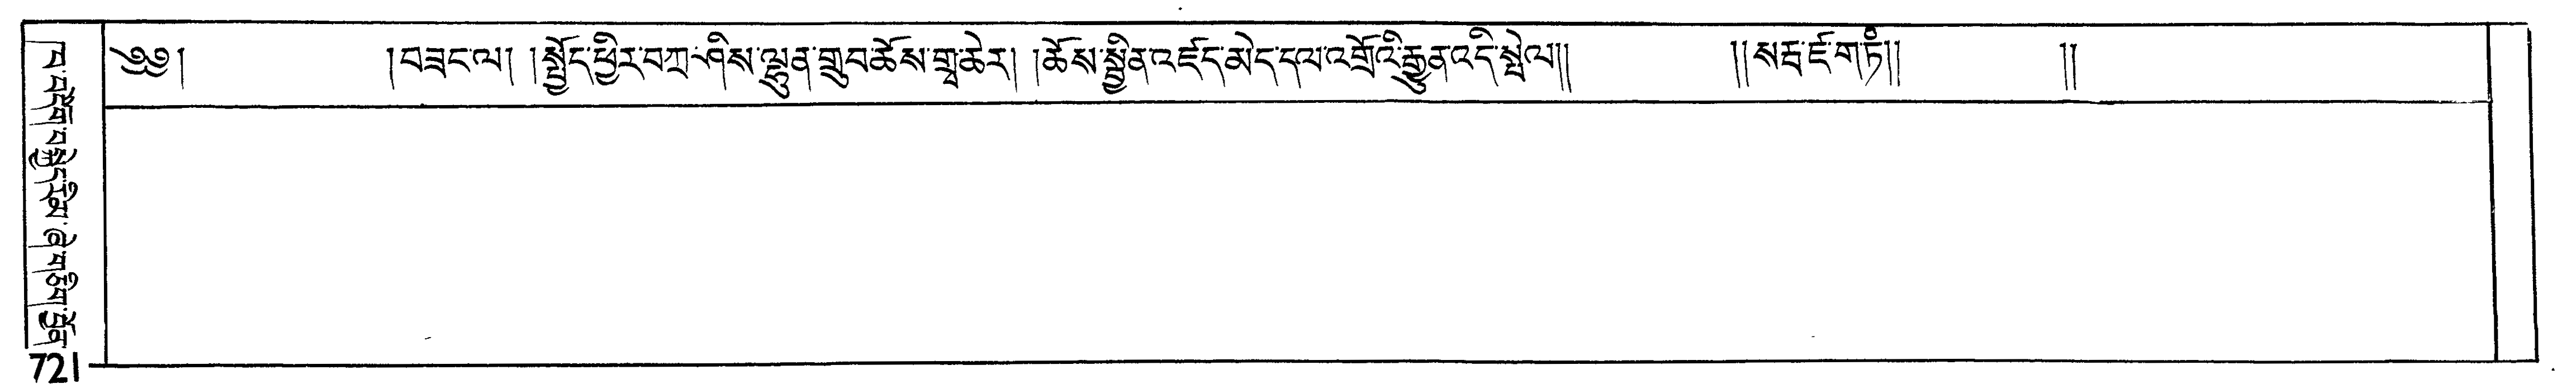༄༅། །བཟང་ལ། །སྤྱོད་ཕྱིར་བཀྲ་ཤིས་ལྷུན་གྲུབ་ཆོས་གྲྭ་ཆེར། །ཆོས་སྦྱིན་འཛད་མེད་དལ་འགྲོའི་རྒྱུན་འདི་སྤེལ།། །།སརྦ་ཛ་ག་ཏཾ།། །།